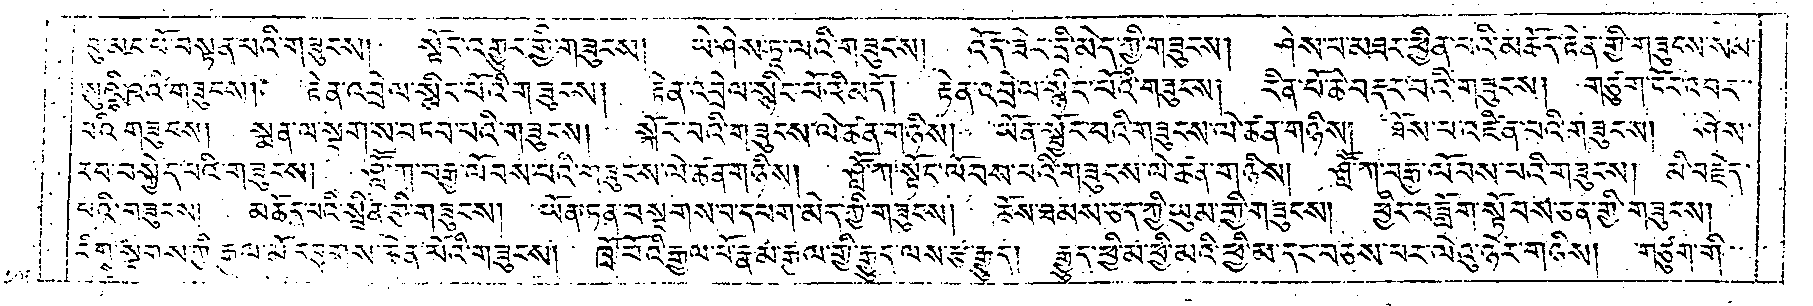བུ་མང་པོ་བསྟན་པའི་གཟུངས། སྟོང་འགྱུར་གྱི་གཟུངས། ཡེ་ཤེས་ཏཱ་ལའི་གཟུངས། འོད་ཟེར་དྲི་མེད་ཀྱི་གཟུངས། ཤེས་པ་མཐར་ཕྱིན་པའི་མཆོད་རྟེན་གྱི་གཟུངས་སམ་
ཨུཥྞི་ཥའི་གཟུངས། རྟེན་འབྲེལ་སྙིང་པོའི་གཟུངས། རྟེན་འབྲེལ་སྙིང་པོའི་མདོ། རྟེན་འབྲེལ་སྙིང་པོའི་གཟུངས། རིན་པོ་ཆེ་བརྡར་བའི་གཟུངས། གཙུག་ཏོར་འབར་
བའི་གཟུངས། སྨན་ལ་སྔགས་བཏབ་པའི་གཟུངས། སྐོར་བའི་གཟུངས་ལེ་ཚན་གཉིས། ཡོན་སྦྱོང་བའི་གཟུངས་ལེ་ཚན་གཉིས། ཐོས་པ་འཛིན་པའི་གཟུངས། ཤེས་
རབ་བསྐྱེད་པའི་གཟུངས། ཤླཽ་ཀ་བརྒྱ་ལོབས་པའི་གཟུངས་ལེ་ཚན་གཉིས། ཤླཽ་ཀ་སྟོང་ལོབས་པའི་གཟུངས་ལེ་ཚན་གཉིས། ཤླཽ་ཀ་བརྒྱ་ལོབས་པའི་གཟུངས། མི་བརྗེད་
པའི་གཟུངས། མཆོད་པའི་སྤྲིན་གྱི་གཟུངས། ཡོན་ཏན་བསྔགས་པ་དཔག་མེད་ཀྱི་གཟུངས། ཆོས་ཐམས་ཅད་ཀྱི་ཡུམ་གྱི་གཟུངས། ཕྱིར་བཟློག་སྟོབས་ཅན་གྱི་གཟུངས།
རིགས་སྔགས་ཀྱི་རྒྱལ་མོ་དབུགས་ཆེན་མོའི་གཟུངས། ཁྲོ་བོའི་རྒྱལ་པོ་རྣམ་རྒྱལ་གྱི་རྒྱུད་ལས་རྩ་རྒྱུད། རྒྱུད་ཕྱི་མ་ཕྱི་མའི་ཕྱི་མ་དང་བཅས་པར་ལེའུ་ཉེར་གཉིས། གཙུག་གི་